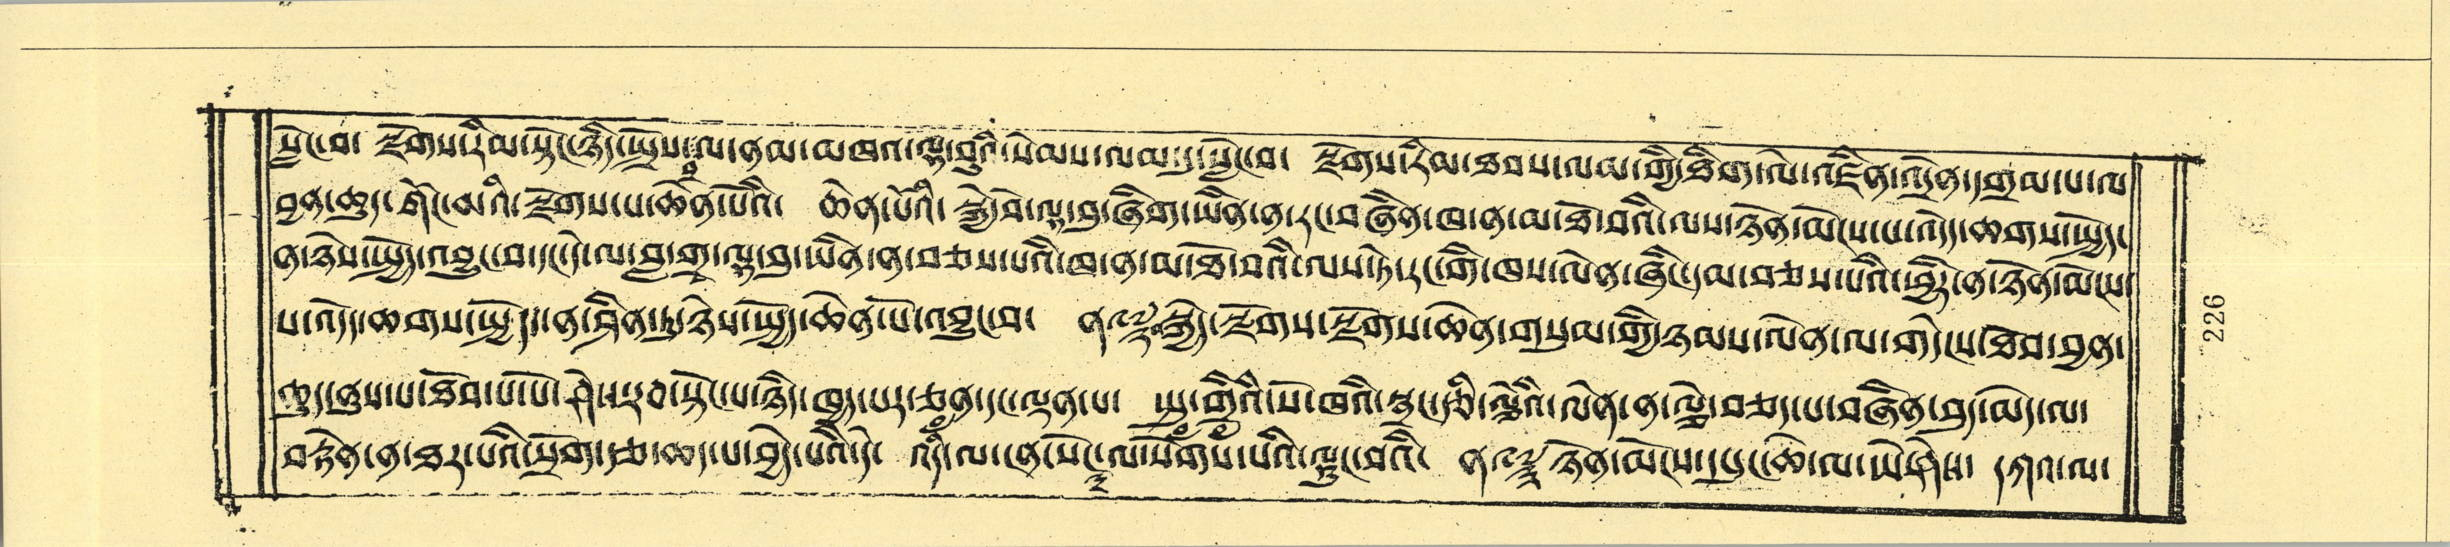སློང་བ། སྫོགས་རིམ་སྟོང་ཉིད་སྤྲོས་བྲལ་ལ་ནམ་མཁའ་ལྟ་བུའི་སེམས་ལམ་དུ་སློང་བ། སྫོགས་རིམ་ཐབས་ལམ་གྱི་ཐིག་ལེ་འཛིན་འདྲེན་དགྲམ་པ་ལ་
བྱན་ཆུད་གོང་མའི་སྫོགས་པ་ཆེན་པོའི། ཆེན་པོའི་སྐྱེ་བོ་ལྟ་བུ་ཞིག་ཡིན་ན་རང་བཞིན་ཁ་ན་མ་ཐོ་བའི་ལས་ཉོན་མོངས་པ་འདོད་ཆགས་སྤྱོད་
ན་ཉེས་སྤྱོད་འབྱུང་བ་དང་དེ་ལ་བླ་གྲྭ་ལྟ་བུ་ཡིན་ན་བཅས་པའི་ཁ་ན་མ་ཐོ་བའི་ལས་ཏེ་རང་གི་ཁས་ལེན་ཞིང་དམ་བཅས་པའི་ཕྱིར་ན་ཉོན་མོངས་
པ་འདོད་ཆགས་སྤྱོད་ན་ཤིན་ཏུ་ཉེས་སྤྱོད་ཆེན་པོ་འབྱུང་བ་ ན༩༧།༢ བསྐྱེད་སྫོགས་སྫོགས་ཆེན་གསུམ་གྱི་ཉམས་ལེན་ལ་གདེངས་ཐོབ་བྱན་
ཆུད་ནུས་པ་ཐོབ་པ་པོ་ཤེས་རབ་སྟོང་པ་ཉིད་ཁྱད་པར་ཅན་དང་ལྡན་པ། སྤུ་གྲིའི་སོ་ཁའི་སྦྲང་རྩི་ལྕེའི་ལེན་ན་ལྕེ་བཅད་པ་བཞིན་བུད་མེད་ལ་
བརྟེན་ན་ཐར་པའི་སྲོག་རྩ་ཆད་པ་བྱེད་པའི་དེ། འདི་ལ་ངན་སོང་གསུམ་ལ་སོགས་པའི་ལྟུང་བའི་ན༩༧།༣ ཉོན་མོངས་དཔུང་ཆེ་ལ་ ༼ཡེ་ཤེས་དཀའ་༽ལ་